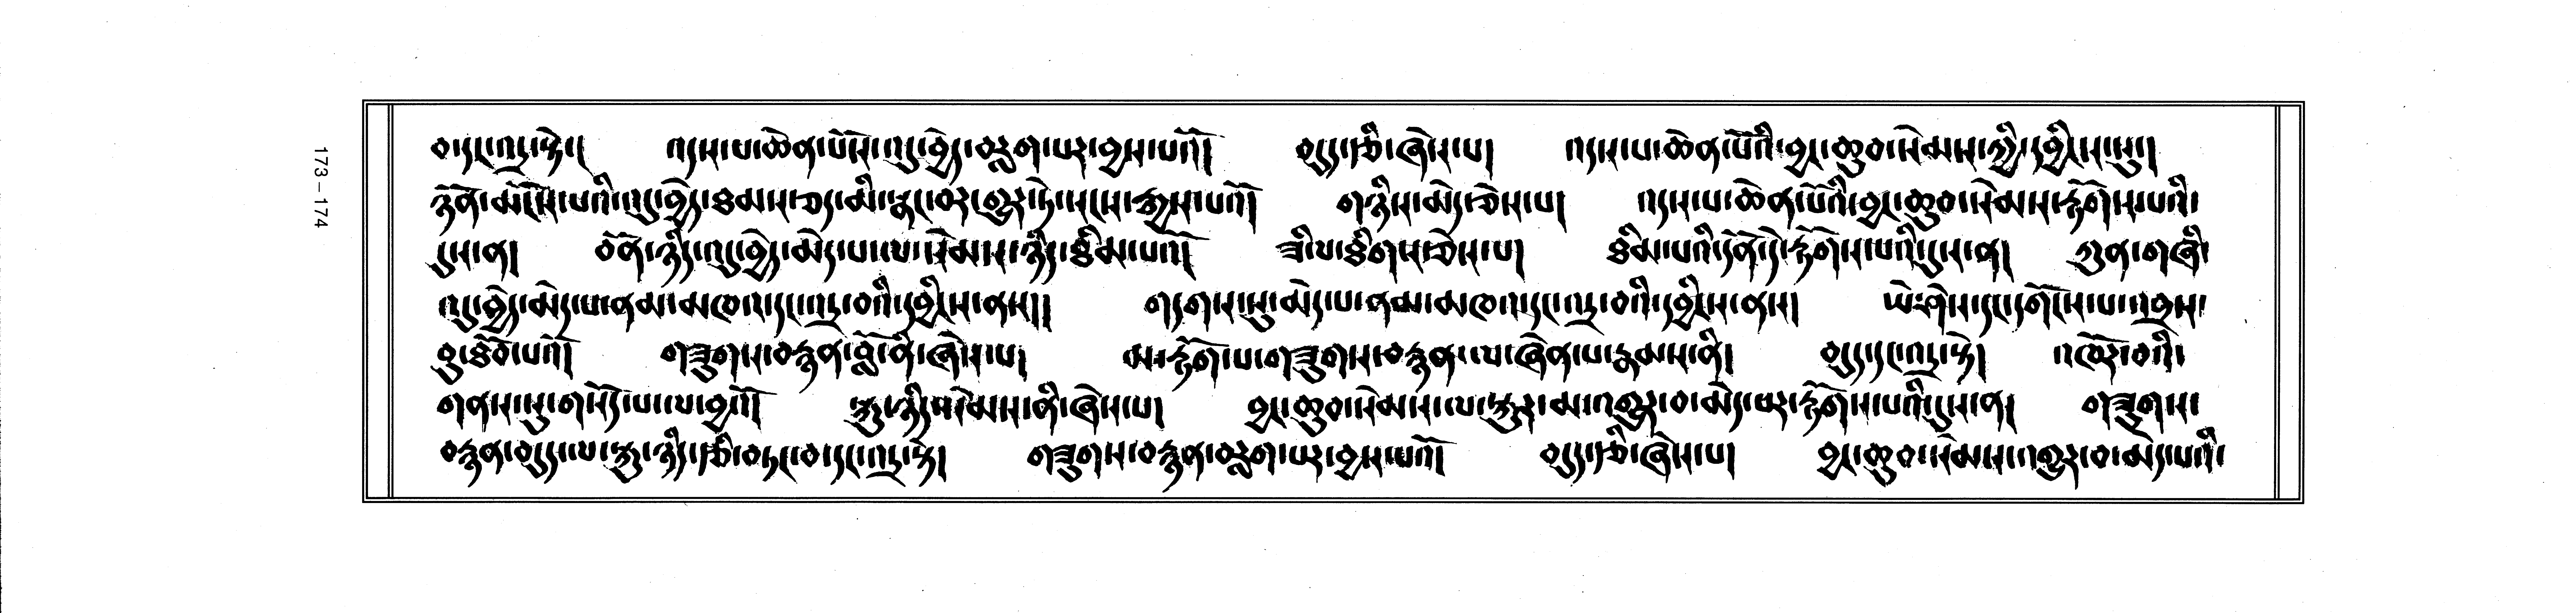བ་དང་འདྲ་སྟེ། འདས་པ་ཆེན་པོས་འདུ་བྱེད་བརླག་པར་བྱེད་པ་ལ་བྱའོ། །བདུད་རྩི་ཞེས་པ། འདས་པ་ཆེན་པོའི་བྱང་ཆུབ་སེམས་ཀྱི་དབྱིངས་སུ། 
ཉོན་མོངས་པའི་འདུ་བྱེད་ཐམས་ཅད་མི་སྣང་བར་གྱུར་ཏེ་སངས་རྒྱས་པའོ། །གཉིས་མེད་ཅེས་པ་འདས་པ་ཆེན་པོའི་བྱང་ཆུབ་ཀྱིས་སེམས་རྟོགས་པའི་
དུས་ན། བོན་ཉིད་འདུ་བྱེད་མེད་པ་ལ་སེམས་ཉིད་ཐིམ་པའོ། །ཟིལ་ཐིགས་ཅེས་པ། ཐིམ་པའི་དུས་དེ་རྟོགས་པའི་དུས་ན། ཀུན་གཞི་
འདུ་བྱེད་མེད་པ་ནམ་མཁའ་དང་འདྲ་བའི་དབྱིངས་ནས། གདགས་སུ་མེད་པ་ནམ་མཁའ་དང་འདྲ་བའི་དབྱིངས་ནས་ཡེ་ཤེས་དང་དགོངས་པ་འབྲས་
བུ་ཐོབ་པའོ། །གཟུགས་བརྙན་བློ་ནི་ཞེས་པ། མ་རྟོགས་པ་གཟུགས་བརྙན་ལ་ཞེན་པ་རྣམས་ནི། བདུད་དང་འདྲ་སྟེ། འཁོར་བའི་
གནས་སུ་གསོད་པ་ལ་བྱའོ། །སྐུ་ཉིད་སེམས་ནི་ཞེས་པ། བྱང་ཆུབ་སེམས་ལ་སྐུར་མ་འགྱུར་བ་མེད་པར་རྟོགས་པའི་དུས་ན། གཟུགས་
བརྙན་བདུད་ལ་སྐུ་ཉིད་རྩི་བཏང་བ་དང་འདྲ་སྟེ། གཟུགས་བརྙན་བརླག་པར་བྱས་པའོ། །བདུད་རྩི་ཞེས་པ། བྱང་ཆུབ་སེམས་འགྱུར་བ་མེད་པའི་